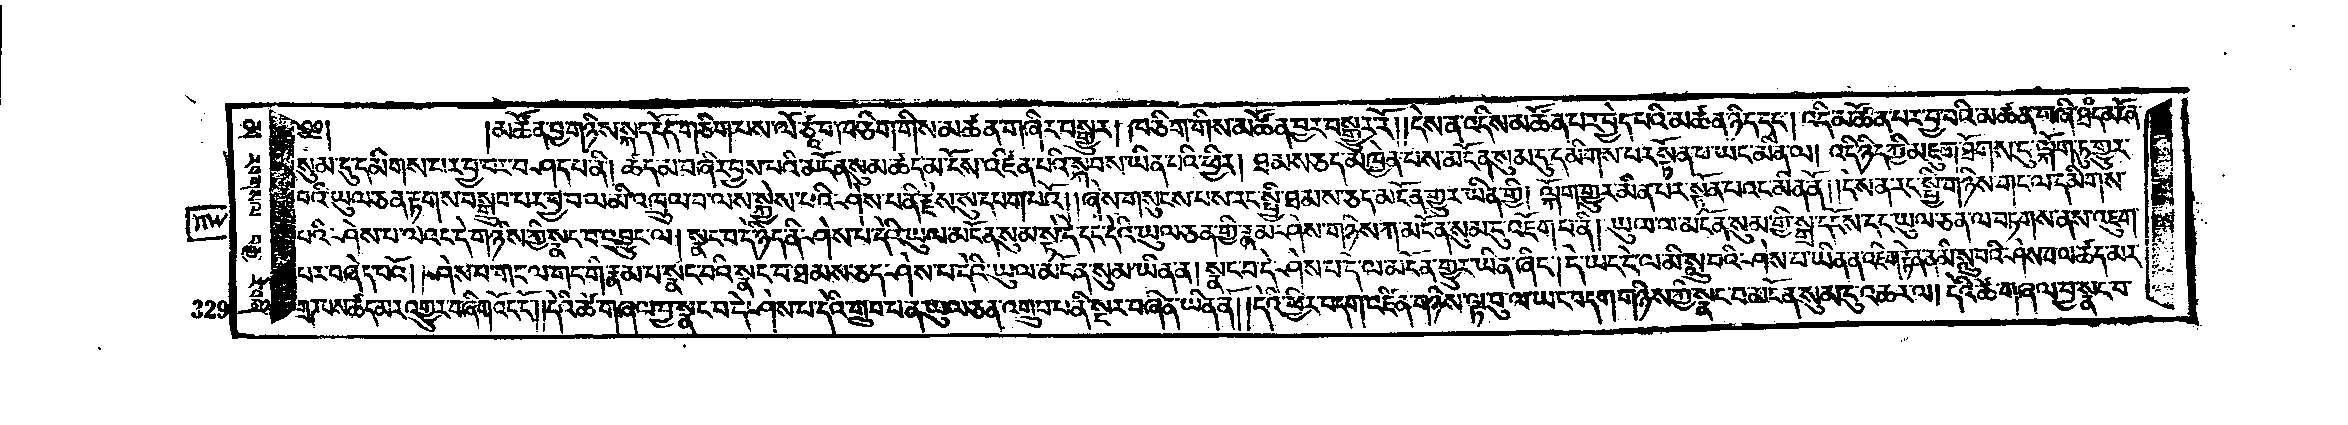༄༅། །མཚོན་བྱ་གཉིས་སྐད་དོད་གཅིག་པས་ལོ་ཙཱ་བ་ཁ་ཅིག་གིས་མཚན་གཞིར་བསྒྱུར། ཁ་ཅིག་གིས་མཚོན་བྱར་བསྒྱུར་རོ། །དེས་ན་འདིས་མཚོན་པར་བྱེད་པའི་མཚན་ཉིད་དང་། འདི་མཚོན་པར་བྱ་བའི་མཚན་གཞི་ཐམས་ཅད་མངོན་
སུམ་དུ་དམིགས་པར་བྱ་བར་བཤད་པ་ནི། ཚད་མ་བཞིར་བྱས་པའི་མངོན་སུམ་ཚད་མ་ངོས་འཛིན་པའི་སྐབས་ཡིན་པའི་ཕྱིར། ཐམས་ཅད་མཁྱེན་པས་མངོན་སུམ་དུ་དམིགས་པར་སྟོན་པ་ཡང་མིན་ལ། འདི་ཉིད་ཀྱི་མཇུག་ཐོགས་སུ་ལྐོག་ཏུ་གྱུར་
པའི་ཡུལ་ཅན་རྟགས་བསྒྲུབ་པར་བྱ་བ་ལ་མི་འཁྲུལ་བ་ལས་སྐྱེས་པའི་ཤེས་པ་ནི་རྗེས་སུ་དཔག་པའོ། །ཞེས་གསུངས་པས་རང་སྤྱི་ཐམས་ཅད་མངོན་གྱུར་ཡིན་གྱི། ལྐོག་གྱུར་མིན་པར་སྟོན་པའང་མིན་ནོ། །དེས་ན་རང་སྤྱི་གཉིས་གང་ལ་དམིགས་
པའི་ཤེས་པ་ལའང་དེ་གཉིས་ཀྱི་སྣང་བ་འབྱུང་ལ། སྣང་བ་དེ་ཉིད་ནི་ཤེས་པ་དེའི་ཡུལ་མངོན་སུམ་སྟེ་དེ་དང་དེའི་ཡུལ་ཅན་གྱི་རྣམ་ཤེས་གཉིས་ཀ་མངོན་སུམ་དུ་འཇོག་པ་ནི། ཡུལ་ལ་མངོན་སུམ་གྱི་སྒྲ་དངོས་དང་ཡུལ་ཅན་ལ་བཏགས་ནས་འཇུག་
པར་བཞེད་པའོ། །ཤེས་པ་གང་ལ་གང་གི་རྣམ་པ་སྣང་བའི་སྣང་བ་ཐམས་ཅད་ཤེས་པ་དེའི་ཡུལ་མངོན་སུམ་ཡིན་ན། སྣང་བདེ་ཤེས་པ་དེ་ལ་མངོན་གྱུར་ཡིན་ཞིང་། དེ་ཡང་དེ་ལ་མི་སླུ་བའི་ཤེས་པ་ཡིན་ན་འཇིག་རྟེན་ན་མི་སླུ་བའི་ཤེས་པ་ལ་ཚད་མར་
གྲགས་པས་ཚད་མར་འགྱུར་བ་ཞིག་འོང་ངོ། །དེའི་ཚེ་གཞལ་བྱ་སྣང་བ་དེ་ཤེས་པ་དེའི་གྲུབ་པ་ན་ཡུལ་ཅན་འགྲུབ་པ་ནི་སྔར་བཞིན་ཡིན་ནོ། །དེའི་ཕྱིར་བདག་འཛིན་གཉིས་ལྟ་བུ་ལ་ཡང་བདག་གཉིས་ཀྱི་སྣང་བ་མངོན་སུམ་དུ་འཆར་ལ། དེའི་ཚེ་གཞལ་བྱ་སྣང་བ་